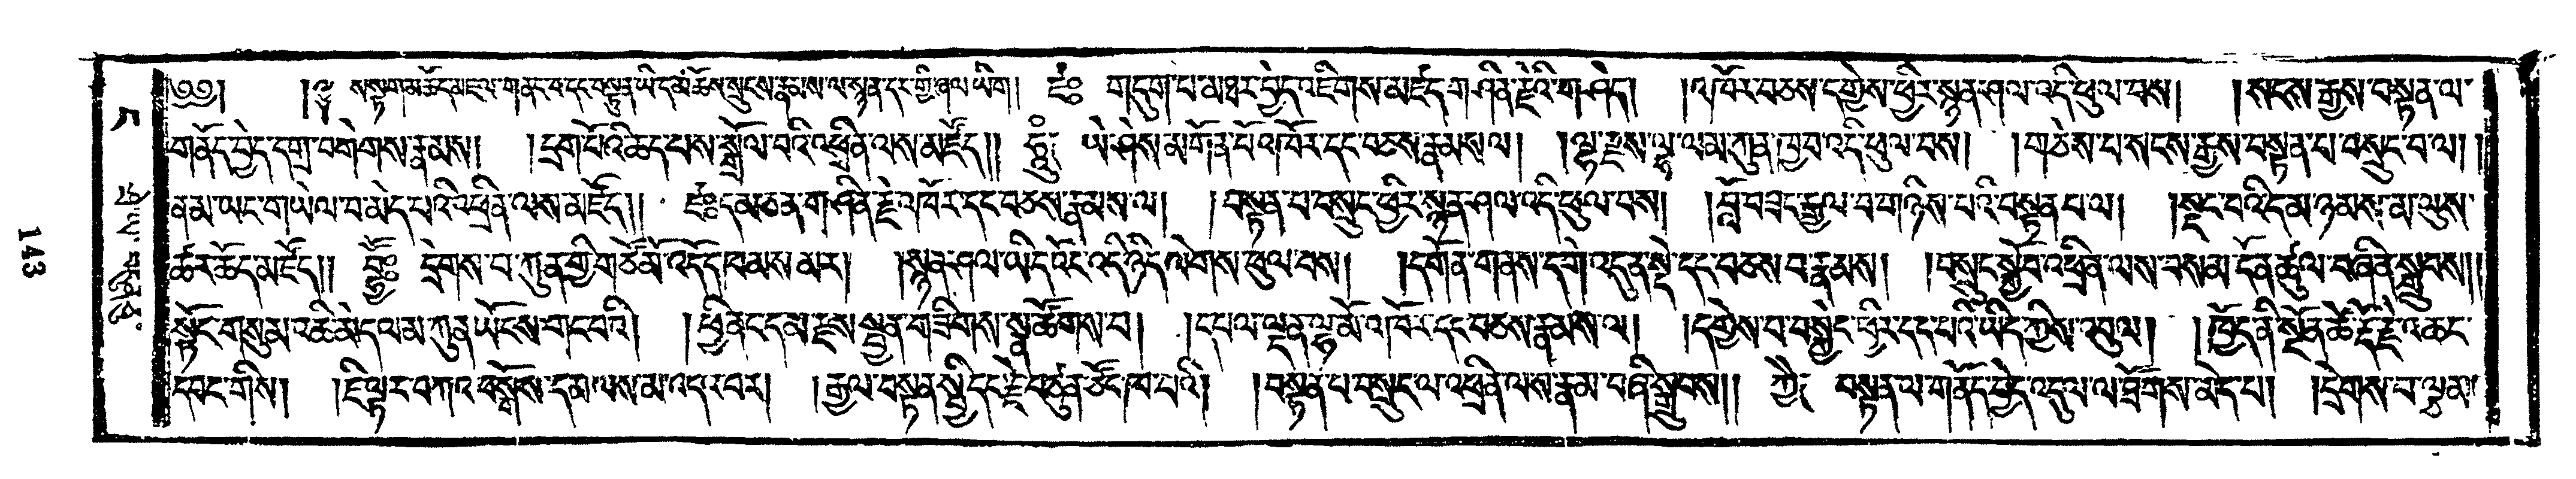༄༅། །༈ ས་སྟག་མཆོད་མཇལ་གནང་བ་དང་བསྟུན་ཡི་དམ་ཆོས་སྲུངས་རྣམས་ལ་སྙན་དར་གྱི་ཞལ་ཡིག།  ཛཿ གདུག་པ་མཐར་བྱེད་འཇིགས་མཛད་གཤིན་རྗེའི་གཤེད། །འཁོར་བཅས་དགྱེས་ཕྱིར་སྙན་ཤལ་འདི་ཕུལ་བས། །སངས་རྒྱས་བསྟན་ལ་
གནོད་བྱེད་དགྲ་བགེགས་རྣམས། །དྲག་པོའི་ཆད་པས་སྒྲོལ་བའི་འཕྲིན་ལས་མཛོད།། ཧཱུཾ༑ ཡེ་ཤེས་མགོན་པོ་འཁོར་དང་བཅས་རྣམས་ལ། །ལྷ་རྫས་ལྷ་ལམ་ཀུན་ཁྱབ་འདི་ཕུལ་བས། །གཅེས་པ་སངས་རྒྱས་བསྟན་པ་བསྲུང་བ་ལ། །
ནམ་ཡང་གཡེལ་བ་མེད་པའི་འཕྲིན་ལས་མཛོད།། ཛཿ དམ་ཅན་གཤིན་རྗེ་འཁོར་དང་བཅས་རྣམས་ལ། །བསྟན་པ་བསྲུང་ཕྱིར་སྙན་ཤལ་འདི་ཕུལ་བས། །བློ་བཟང་རྒྱལ་བ་གཉིས་པའི་བསྟན་པ་ལ། །སྡང་བའི་དམ་ཉམས་མ་ལུས་
ཚར་ཆོད་མཛོད།། བྷྱཽཿ དྲེགས་པ་ཀུན་གྱི་གཙོ་མོ་འདོད་ཁམས་མར། །སྙན་ཤལ་ཡིད་འོང་འདི་ཉིད་ལེགས་ཕུལ་བས། །དགོན་གནས་དགེ་འདུན་སྡེ་དང་བཅས་བ་རྣམས། །བསྲུང་སྐྱོབ་འཕྲིན་ལས་བསམ་དོན་ཚུལ་བཞིན་སྒྲུབས།།
སྟོང་གསུམ་འཆི་མེད་ལམ་ཀུན་ཡོངས་གང་བའི། །ཕྱི་ནང་དམ་རྫས་སྤྱན་གཟིགས་སྣ་ཚོགས་བ། །དཔལ་ལྡན་ལྷ་མོ་འཁོར་དང་བཅས་རྣམས་ལ། །དགྱེས་པ་བསྐྱེད་ཕྱིར་དད་པའི་ཡིད་ཀྱིས་འབུལ། །ཁྱོད་ནི་སྔོན་ཚེ་རྡོ་རྗེ་འཆང་
དབང་གིས། །ཇི་ལྟར་བཀའ་བསྒོས་དམ་ལས་མ་འདའ་བར། །རྒྱལ་བསྟན་སྤྱི་དང་རྗེ་བཙུན་ཙོང་ཁ་པའི། །བསྟན་པ་བསྲུང་ལ་འཕྲིན་ལས་རྣམ་བཞི་སྒྲུབས།། ཀྱཻ༑ བསྟན་ལ་གནོད་བྱེད་འདུལ་ལ་ཐོགས་མེད་པ། །དྲེགས་པ་ལྕམ་